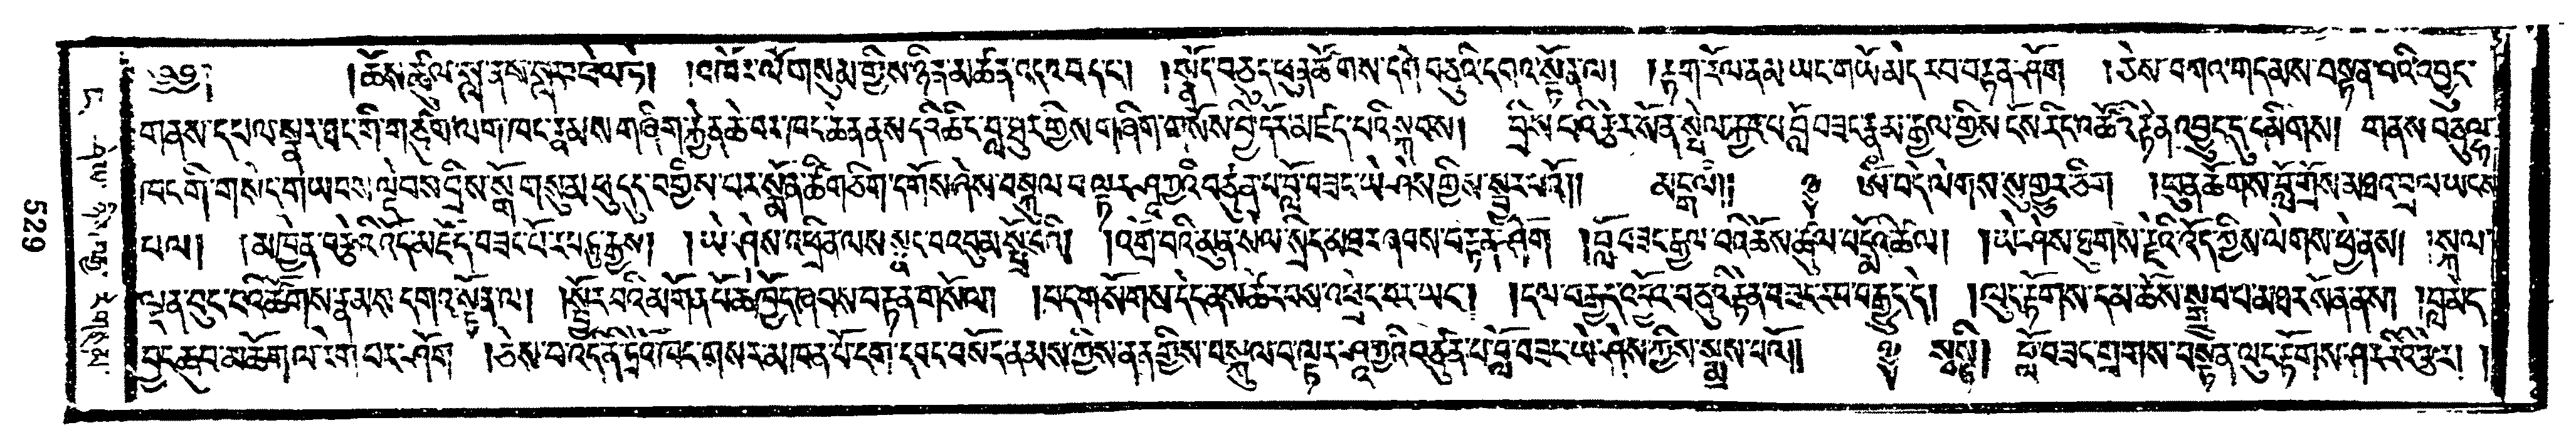༄༅། །ཆོས་ཚུལ་སླ་ནས་སླར་འཕེལ་ཏེ། །འཁོར་ལོ་གསུམ་གྱིས་ཉིན་མཚན་འདའ་བ་དང་། །སྣོད་བཅུད་ཕུན་ཚོགས་དགེ་བཅུའི་དགའ་སྟོན་ལ། །རྟག་རོལ་ནམ་ཡང་གཡོ་མེད་རབ་བརྟན་ཤོག །ཅེས་བཀའ་གདམས་བསྟན་པའི་འབྱུང་
གནས་དཔལ་སྣར་ཐང་གི་གཙུག་ལག་ཁང་རྣམས་གཞིག་རྐྱེན་ཆེ་བར་ཁང་ཆེན་ནས་དའི་ཆིང་བླ་ཐུར་གྱིས་གཞིག་གསོས་བྱི་དོར་མཛད་པའི་སྐབས། བྲིས་པའི་རྩེར་སོན་སྤེལ་རྐྱང་པ་བློ་བཟང་རྣམ་རྒྱལ་གྱིས་ངོས་རིང་འཚོའི་རྟེན་འབྱུང་དུ་དམིགས། གནས་བཅུ་ལྷ་
ཁང་གི་གསེད་གཡབས་ལྡེབས་བྲིས་སྒོ་གསུམ་ཕུ་དུད་བགྱིས་པར་སྨོན་ཚིག་ཅིག་དགོས་ཞེས་བསྐུལ་བ་ལྟར་ཤཱཀྱའི་བཙུན་པ་བློ་བཟང་ཡེ་ཤེས་གྱིས་སྦྱར་བའོ། །མངྒལཾ། ། ༈ ཨོཾ་བདེ་ལེགས་སུ་གྱུར་ཅིག །ཕུན་ཚོགས་བློ་གྲོས་མཐའ་བྲལ་ཡངས་
པ་ལ། །མཁྱེན་བརྩེའི་འོད་མཛོད་བཟང་པོ་རབ་ཏུ་རྒྱས། །ཡེ་ཤེས་འཕྲིན་ལས་སྣང་བ་འབུམ་སྤྲོ་བའི། །འགྲོ་བའི་མུན་སེལ་སྲིད་མཐར་ཞབས་བརྟན་ཤོག །བློ་བཟང་རྒྱལ་བའི་ཆོས་ཚུལ་པདམོའི་ཚལ། །ཡེ་ཤེས་ཐུགས་རྗེའི་འོད་ཀྱིས་ལེགས་ཕྱེ་ནས། །སྐལ་
ལྡན་བུང་བའི་ཚོགས་རྣམས་དགའ་སྟོན་ལ། །སྦྱོར་བའི་མགོན་པོ་ཆེ་ཁྱོད་ཞབས་བརྟན་གསོལ། །བདག་སོགས་དེང་ནས་ཚེ་རབས་འཕྲེང་བར་ཡང་། །དལ་བརྒྱད་འདྱོའ་བཅུའི་རྟེན་བཟང་རབ་བརྒྱུད་དེ། །ལུང་རྟོགས་དམ་ཆོས་སྒྲུབ་པ་མཐར་སོན་ནས། །བླ་མེད་
བྱང་ཆུབ་མཆོག་ལ་རེག་བར་ཤོག །ཅེས་བ་འདི་ནི་ཏྲེའོ་ཁང་གསར་མཁན་པོ་ངག་དབང་བསོད་ནམས་ཀྱིས་ནན་གྱིས་བསྐུལ་བ་ལྟར་ཤཱཀྱའི་བཙུན་པ་བློ་བཟང་ཡེ་ཤེས་ཀྱིས་སྨྲས་པའོ། ། ༈ སྭསྟི། བློ་བཟང་གྲགས་བསྟན་ལུང་རྟོགས་ཤར་རིའི་རྩེར། །